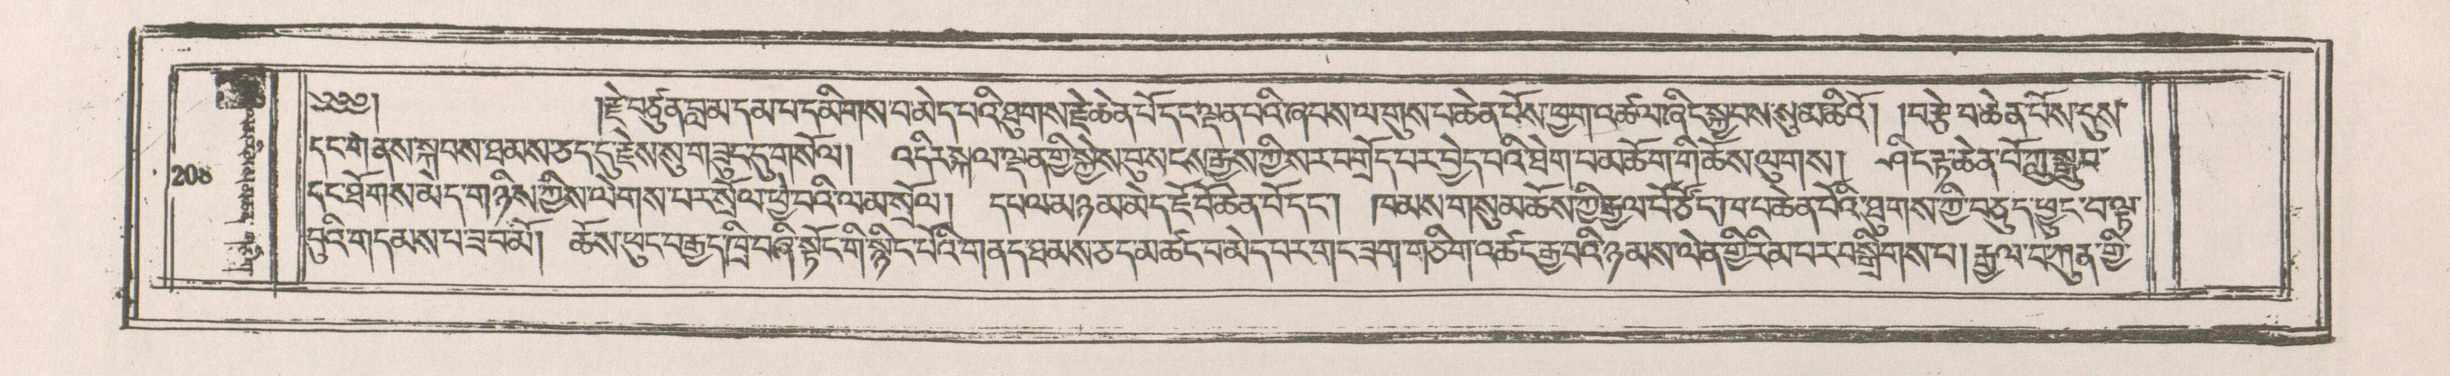༄༅༅། །རྗེ་བཙུན་བླ་མ་དམ་པ་དམིགས་པ་མེད་པའི་ཐུགས་རྗེ་ཆེན་པོ་དང་ལྡན་པའི་ཞབས་ལ་གུས་པ་ཆེན་པོས་ཕྱག་འཚལ་ཞིང་སྐྱབས་སུ་མཆིའོ། །བརྩེ་བ་ཆེན་པོས་དུས་
དང་གནས་སྐབས་ཐམས་ཅད་དུ་རྗེས་སུ་གཟུང་དུ་གསོལ། འདིར་སྐལ་ལྡན་གྱི་སྐྱེས་བུ་སངས་རྒྱས་ཀྱི་སར་བགྲོད་པར་བྱེད་པའི་ཐེག་པ་མཆོག་གི་ཆོས་ལུགས། ཤིང་རྟ་ཆེན་པོ་ཀླུ་སྒྲུབ་
དང་ཐོགས་མེད་གཉིས་ཀྱིས་ལེགས་པར་སྲོལ་ཕྱེ་བའི་ལམ་སྲོལ། དཔལ་མཉམ་མེད་ཇོ་བོ་ཆེན་པོ་དང་། ཁམས་གསུམ་ཆོས་ཀྱི་རྒྱལ་པོ་ཙོང་ཁ་པ་ཆེན་པོའི་ཐུགས་ཀྱི་བཅུད་ཕྱུང་བ་ལྟ་
བུའི་གདམས་པ་ཟབ་མོ། ཆོས་ཕུང་བརྒྱད་ཁྲི་བཞི་སྟོང་གི་སྙིང་པོའི་གནད་ཐམས་ཅད་མ་ཚང་བ་མེད་པར་གང་ཟག་གཅིག་འཚང་རྒྱ་བའི་ཉམས་ལེན་གྱི་རིམ་པར་བསྒྲིགས་པ། རྒྱལ་བ་ཀུན་གྱི་